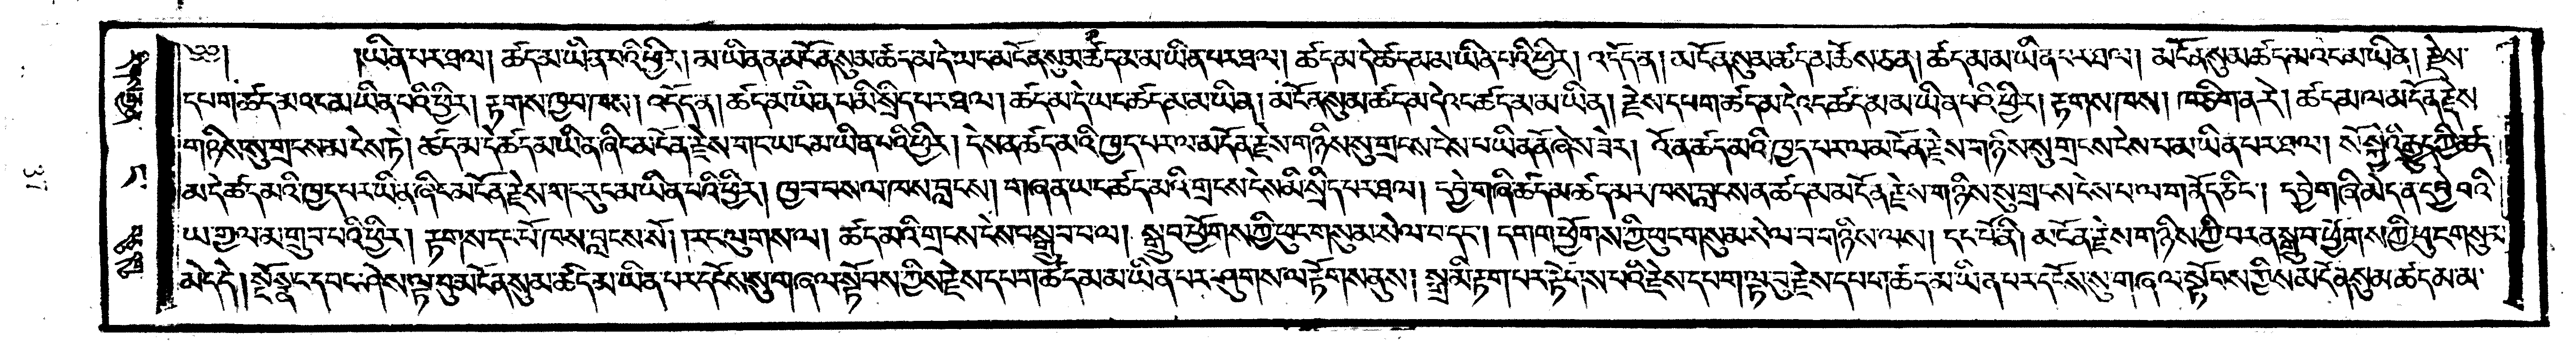༄༅། །ཡིན་པར་ཐལ། ཚད་མ་ཡིན་པའི་ཕྱིར། མ་ཡིན་ན་མངོན་སུམ་ཚད་མ་དེ་ཡང་མངོན་སུམ་ཚད་མ་མ་ཡིན་པར་ཐལ། ཚད་མེད་ཚད་མ་མ་ཡིན་པའི་ཕྱིར། འདོད་ན། མངོན་སུམ་ཚད་མ་ཆོས་ཅན། ཚད་མ་མ་ཡིན་པར་ཐལ། མངོན་སུམ་ཚད་མའང་མ་ཡིན། རྗེས་
དཔག་ཚད་མའང་མ་ཡིན་པའི་ཕྱིར། རྟགས་ཁྱབ་ཁས། འདོད་ན། ཚད་མ་ཡིན་པ་མི་སྲིད་པར་ཐལ། ཚད་མ་དེ་ཡང་ཚད་མ་མ་ཡིན། མངོན་སུམ་ཚད་མ་དེའང་ཚད་མ་མ་ཡིན། རྗེས་དཔག་ཚད་མ་དེའང་ཚད་མ་མ་ཡིན་པའི་ཕྱིར། རྟགས་ཁས། ཁ་ཅིག་ན་རེ། ཚད་མ་ལ་མངོན་རྗེས་
གཉིས་སུ་གྲངས་མ་ངེས་ཏེ། ཚད་མ་དེ་ཚད་མ་ཡིན་ཞིང་མངོན་རྗེས་གང་ཡང་མ་ཡིན་པའི་ཕྱིར། དེས་ན་ཚད་མའི་ཁྱད་པར་ལ་མངོན་རྗེས་གཉིས་སུ་གྲངས་ངེས་པ་ཡིན་ནོ་ཞེས་ཟེར། འོ་ན་ཚད་མའི་ཁྱད་པར་ལ་མངོན་རྗེས་གཉིས་སུ་གྲངས་ངེས་པ་མ་ཡིན་པར་ཐལ། སོ་སྐྱེའི་རྒྱུད་ཀྱི་ཚད་
མ་དེ་ཚད་མའི་ཁྱད་པར་ཡིན་ཞིང་མངོན་རྗེས་གང་རུང་མ་ཡིན་པའི་ཕྱིར། ཁྱབ་བསལ་ཁས་བླངས། གཞན་ཡང་ཚད་མའི་གྲངས་ངེས་མི་སྲིད་པར་ཐལ། དབྱེ་གཞི་ཚད་མ་ཚད་མར་ཁས་བླངས་ན་ཚད་མ་མངོན་རྗེས་གཉིས་སུ་གྲངས་ངེས་པ་ལ་གནོད་ཅིང་། དབྱེ་གཞི་མེད་ན་དབྱེ་བའི་
ཡ་གྱལ་མ་གྲུབ་པའི་ཕྱིར། རྟགས་དང་པོ་ཁས་བླངས་སོ། །རང་ལུགས་ལ། ཚད་མའི་གྲངས་ངེས་བསྒྲུབ་པ་ལ། སྒྲུབ་ཕྱོགས་ཀྱི་ཕུང་གསུམ་སེལ་བ་དང་། དགག་ཕྱོགས་ཀྱི་ཕུང་གསུམ་སེལ་བ་གཉིས་ལས། དང་པོ་ནི། མངོན་རྗེས་གཉིས་ཀྱི་བར་ན་སྒྲུབ་ཕྱོགས་ཀྱི་ཕུང་གསུམ་
མེད་དེ། སྔོ་སྣང་དབང་ཤེས་ལྟ་བུ་མངོན་སུམ་ཚད་མ་ཡིན་པར་དངོས་སུ་གཞལ་སྟོབས་ཀྱིས་རྗེས་དཔག་ཚད་མ་མ་ཡིན་པར་ཤུགས་ལ་རྟོགས་ནུས། སྒྲ་མི་རྟག་པར་རྟོགས་པའི་རྗེས་དཔག་ལྟ་བུ་རྗེས་དཔག་ཚད་མ་ཡིན་པར་དངོས་སུ་གཞལ་སྟོབས་ཀྱིས་མངོན་སུམ་ཚད་མ་མ་